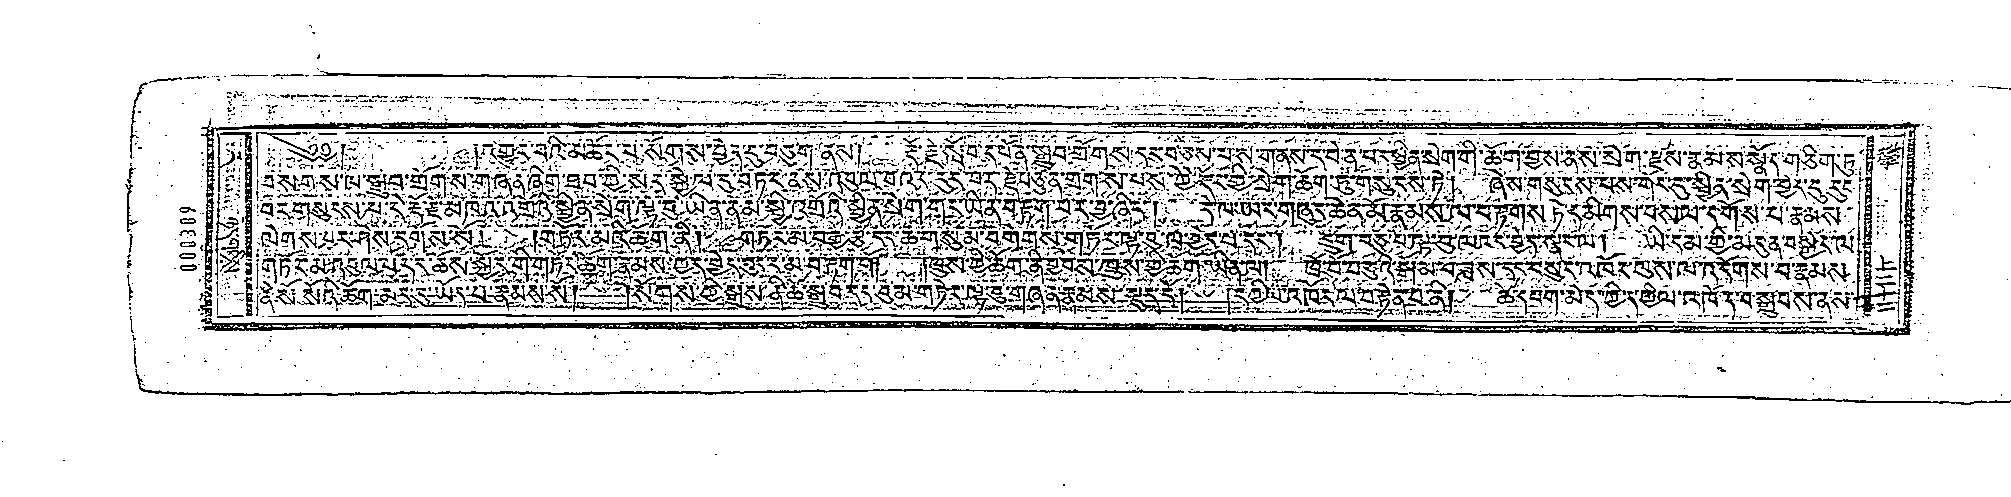༄༅། །འགྱུར་བའི་མཆོད་པ་སོགས་བྱེད་དུ་བཅུག་ནས། རྡོ་རྗེ་སློབ་དཔོན་སྒྲུབ་གྲོགས་དང་བཅས་པས་གནས་དབེན་པར་སྦྱིན་སྲེག་གི་ཆོ་ག་བྱས་ནས་སྲེག་རྫས་རྣམས་སྣོད་གཅིག་ཏུ་
བསགས་ལ་སྒྲུབ་གྲོགས་གཞན་ཞིག་ཐབ་ཀྱི་སར་སྐྱེལ་དུ་བཏང་ནས་འབུལ་བའང་རུང་བར་རྗེ་བཙུན་གྲགས་པས་ཀྱཻ་རྡོར་གྱི་སྲེག་ཆོག་ཏུ་གསུངས་ཏེ། ཞེས་གསུངས་པས་གོང་དུ་སྦྱིན་སྲེག་བྱེད་དུ་རུང་
བར་གསུངས་པ་དེ་རྡོ་རྗེ་མཁའ་འགྲོའི་སྦྱིན་སྲེག་ལྟ་བུ་ཡིན་ནམ་སྦྱི་འགྲོའི་སྦྱིན་སྲེག་གང་ཡིན་བརྟག་པར་བྱ་ཞིང་། དེ་ལ་ཡང་གཞུང་ཆེན་མོ་རྣམས་ལ་བརྟགས་ཏེ་དམིགས་བསལ་དགོས་པ་རྣམས་
ལེགས་པར་ཤེས་དགོས་སོ། །གཏོར་མའི་ཆོ་ག་ནི། གཏོར་མ་བརྒྱ་རྩ་དང་ཆ་གསུམ་བགེགས་གཏོར་ལྟ་བུ་ལ་བྱེད་པ་དང་། དྲུག་བཅུ་པ་ལྟ་བུ་ལའང་བྱེད་སྣང་ལ། ཡི་དམ་གྱི་མདུན་བསྐྱེད་ལ་
གཏོར་མ་འབུལ་པ་དང་ཆོས་སྐྱོང་གི་གཏོར་ཆོག་རྣམས་ཀྱང་བྱེད་ཀྲུང་དམ་བརྟག་གོ། །ཁྲུས་ཀྱི་ཆོག་ནི་བྱབས་ཁྲུས་གྱི་ཆོག་ཡིན་ལ། ཁྲོ་བོ་བཅུའི་སྒོམ་བཟླས་དང་བསྲུང་འཁོར་ལུས་ལ་འདོགས་བ་རྣམས་
ནི་སོ་སོའི་ཆོག་མང་དུ་ཡོད་པ་རྣམས་སོ། །སོགས་ཀྱི་སྒྲས་ནི་ཚེ་སྒྲུབ་དང་བུམ་གཏེར་ལྟ་བུ་གཞན་རྣམས་སྡུད་དོ། །དཀྱིལ་འཁོར་ལ་བརྟེན་པ་ནི། ཚེ་དཔག་མེད་ཀྱི་དཀྱིལ་འཁོར་བསྒྲུབས་ནས་